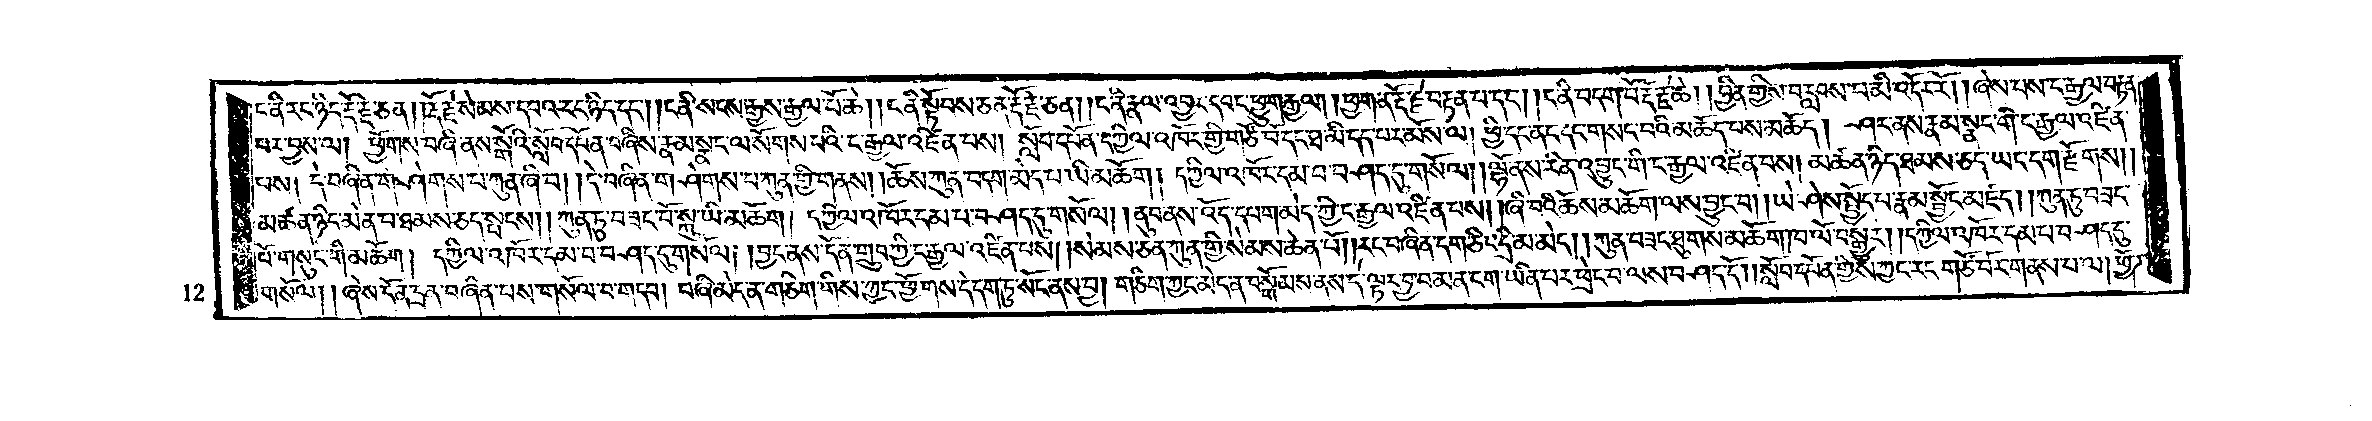ང་ནི་རང་ཉིད་རྡོ་རྗེ་ཅན། །རྡོ་རྗེ་སེམས་དཔའ་རང་ཉིད་དང་། །ང་ནི་སངས་རྒྱས་རྒྱལ་པོ་ཆེ། །ང་ནི་སྟོབས་ཅན་རྡོ་རྗེ་ཅན། །ང་ནི་རྣལ་འབྱོར་དབང་ཕྱུག་རྒྱལ། །ཕྱག་ན་རྡོ་རྗེ་བརྟན་པ་དང་། །ང་ནི་བདག་པོ་རྡོ་རྗེ་ཆེ། །བྱིན་གྱིས་བརླབས་པ་མི་འདོར་རོ། །ཞེས་པས་ང་རྒྱལ་བརྟན་
པར་བྱས་ལ། ཕྱོགས་བཞི་ནས་སྒོའི་སློབ་དཔོན་བཞིས་རྣམ་སྣང་ལ་སོགས་པའི་ང་རྒྱལ་འཛིན་པས། སློབ་དཔོན་དཀྱིལ་འཁོར་གྱི་གཙོ་བོ་དང་ཐ་མི་དད་པར་མོས་ལ། ཕྱི་དང་ནང་དང་གསང་བའི་མཆོད་པས་མཆོད། ཤར་ནས་རྣམ་སྣང་གི་ང་རྒྱལ་འཛིན་
པས། དེ་བཞིན་གཤེགས་པ་ཀུན་ཞི་བ། །དེ་བཞིན་གཤེགས་པ་ཀུན་གྱི་གནས། །ཆོས་ཀྱི་བདག་མེད་པ་ཡི་མཆོག །དཀྱིལ་འཁོར་དམ་པ་བཤད་དུ་གསོལ། །ལྷོ་ནས་རིན་འབྱུང་གི་ང་རྒྱལ་འཛིན་པས། མཚན་ཉིད་ཐམས་ཅད་ཡང་དག་རྫོགས། །
མཚན་ཉིད་མེན་པ་ཐམས་ཅད་སྤངས། །ཀུན་ཏུ་བཟང་པོ་སྐུ་ཡི་མཆོག །དཀྱིལ་འཁོར་དམ་པ་བཤད་དུ་གསོལ། །ནུབ་ནས་འོད་དཔག་མེད་ཀྱི་ང་རྒྱལ་འཛིན་པས། །ཞི་བའི་ཆོས་མཆོག་ལས་བྱུང་བ། །ཡེ་ཤེས་སྤྱོད་པ་རྣམ་སྦྱོང་མཛད། །ཀུན་ཏུ་བཟང་
པོ་གསུང་གི་མཆོག །དཀྱིལ་འཁོར་དམ་པ་བཤད་དུ་གསོལ། །བྱང་ནས་དོན་གྲུབ་ཀྱི་ང་རྒྱལ་འཛིན་པས། །སེམས་ཅན་ཀུན་གྱི་སེམས་ཆེན་པོ། །རང་བཞིན་དག་ཅིང་དྲི་མ་མེད། །ཀུན་བཟང་ཐུགས་མཆོག་ཁ་ལོ་བསྒྱུར། །དཀྱིལ་འཁོར་དམ་པ་བཤད་དུ་
གསོལ། །ཞེས་དོན་དྲན་བཞིན་པས་གསོལ་བ་གདབ། བཞི་མེད་ན་གཅིག་གིས་ཀྱང་ཕྱོགས་དེ་དག་ཏུ་སོང་ནས་བྱ། གཅིག་ཀྱང་མེད་ན་བསྒོམས་ནས་དེ་ལྟར་བྱ་བ་མན་ངག་ཡིན་པར་ཕྲེང་བ་ལས་བཤད་དོ། །སློབ་དཔོན་གྱིས་ཀྱང་རང་གཙོ་བོར་གནས་པ་ལ། ཕྱོགས་